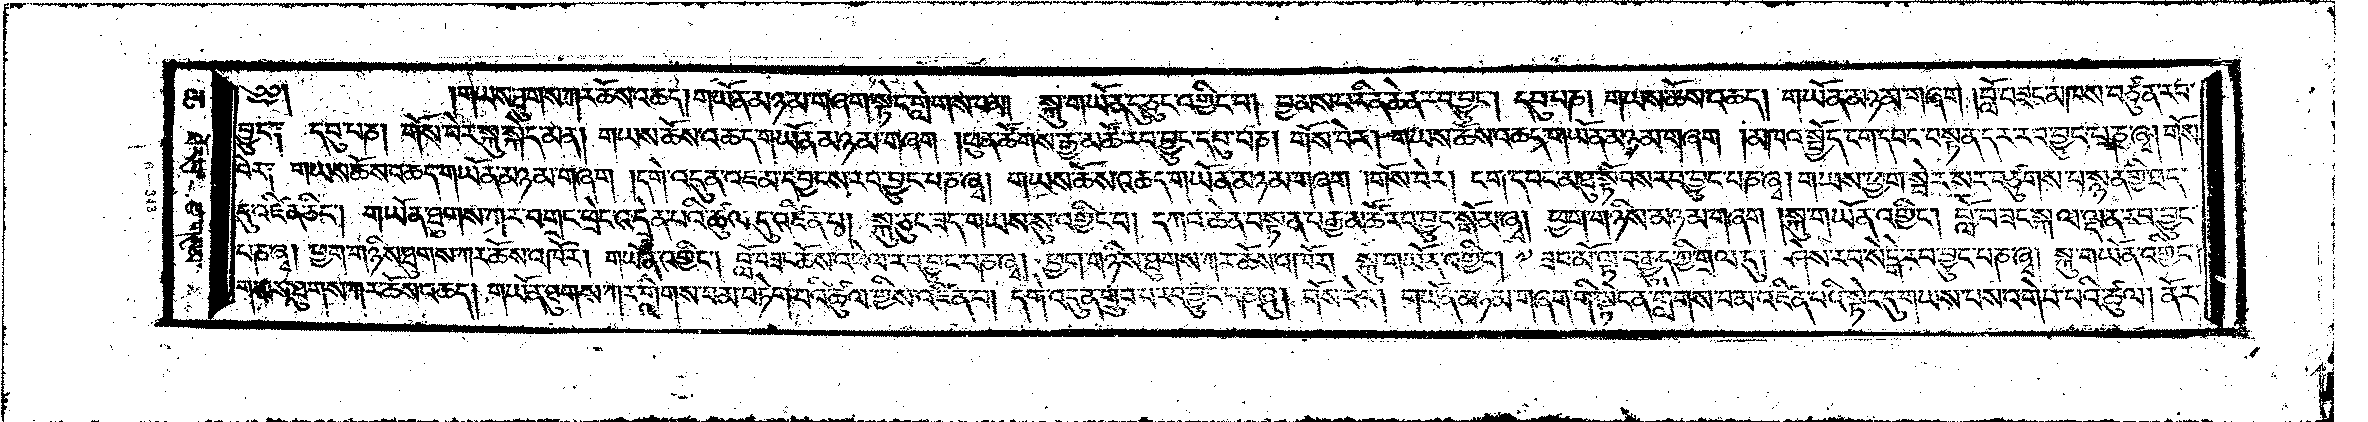༄༅། །གཡས་ཐུགས་ཀར་ཆོས་འཆད། གཡོན་མཉམ་གཞག་སྟེང་གླེགས་བམ། སྐུ་གཡོན་དུ་ཅུང་འགྱིང་བ། བྱམས་པ་རིན་ཆེན་རབ་བྱུང་། དབུ་པཎ། གཡས་ཆོས་འཆད། གཡོན་མཉམ་གཞག །བློ་བཟང་མཁས་བཙུན་རབ་
བྱུང༑ དབུ་པཎ། གོས་བེར་སྐུ་སྐེད་མན། གཡས་ཆོས་འཆད་གཡོན་མཉམ་གཞག །ཕུན་ཚོགས་རྒྱ་མཚོ་རབ་བྱུང་དབུ་པཎ། གོས་བེར། གཡས་ཆོས་འཆད་གཡོན་མཉམ་གཞག །མཁའ་སྤྱོད་ངག་དབང་བསྟན་དར་རབ་བྱུང་པཎ་ཞྭ། གོས་
བེར༑ གཡས་ཆོས་འཆད་གཡོན་མཉམ་གཞག །དགེ་འདུན་འཇམ་དབྱངས་རབ་བྱུང་པཎ་ཞྭ། གཡས་ཆོས་འཆད་གཡོན་མཉམ་གཞག །གོས་བེར། ངག་དབང་མཐུ་སྟོབས་རབ་བྱུང་པཎ་ཞྭ། གཡས་ཕྱག་སྤེར་སར་བཙུགས་པ་སྙན་གྱི་ཐད་
དུ་འཛིན་ཅིང་། གཡོན་ཐུགས་ཀར་བགྲང་ཕྲེང་འདྲེན་པའི་ཚུལ་དུ་འཛིན་པ། སྐུ་ཅུང་ཟད་གཡས་སུ་འགྱིང་བ། དཀའ་ཆེན་བསྟན་པ་རྒྱ་མཚོ་རབ་བྱུང་སྒོམ་ཞྭ། ཕྱག་གཉིས་མཉམ་གཞག །སྐུ་གཡོན་འགྱིང་། བློ་བཟང་སྐལ་ལྡན་རབ་བྱུང་
པཎ་ཞྭ། ཕྱག་གཉིས་ཐུགས་ཀར་ཆོས་འཁོར། གཡོན་འགྱིང་། བློ་བཟང་ཆོས་འཕེལ་རབ་བྱུང་པཎ་ཞྭ། ཕྱག་གཉིས་ཐུགས་ཀར་ཆོས་འཁོར། སྐུ་གཡོན་འགྱིང་། ༧་ཟབ་མོ་ལྟ་བརྒྱུད་གྱི་གྲལ་དུ། ཤེས་རབ་སེངྒེ་རབ་བྱུང་པཎ་ཞྭ། སྐུ་གཡོན་འགྱིང་།
གཡས་ཐུགས་ཀར་ཆོས་འཆད། གཡོན་ཐུགས་ཀར་གླེགས་བམ་བཏེག་པའི་ཚུལ་གྱིས་འཛིན་པ། དགེ་འདུན་གྲུབ་པ་རབ་བྱུང་པཎ་ཞུ། ཤོས་ངེར། གཡོན་མཉམ་གཞག་གི་སྟེང་ན་གླེགས་བམ་འཛིན་བའི་སྟེང་དུ་གཡས་པས་འགེབ་པའི་ཚུལ། ནོར་